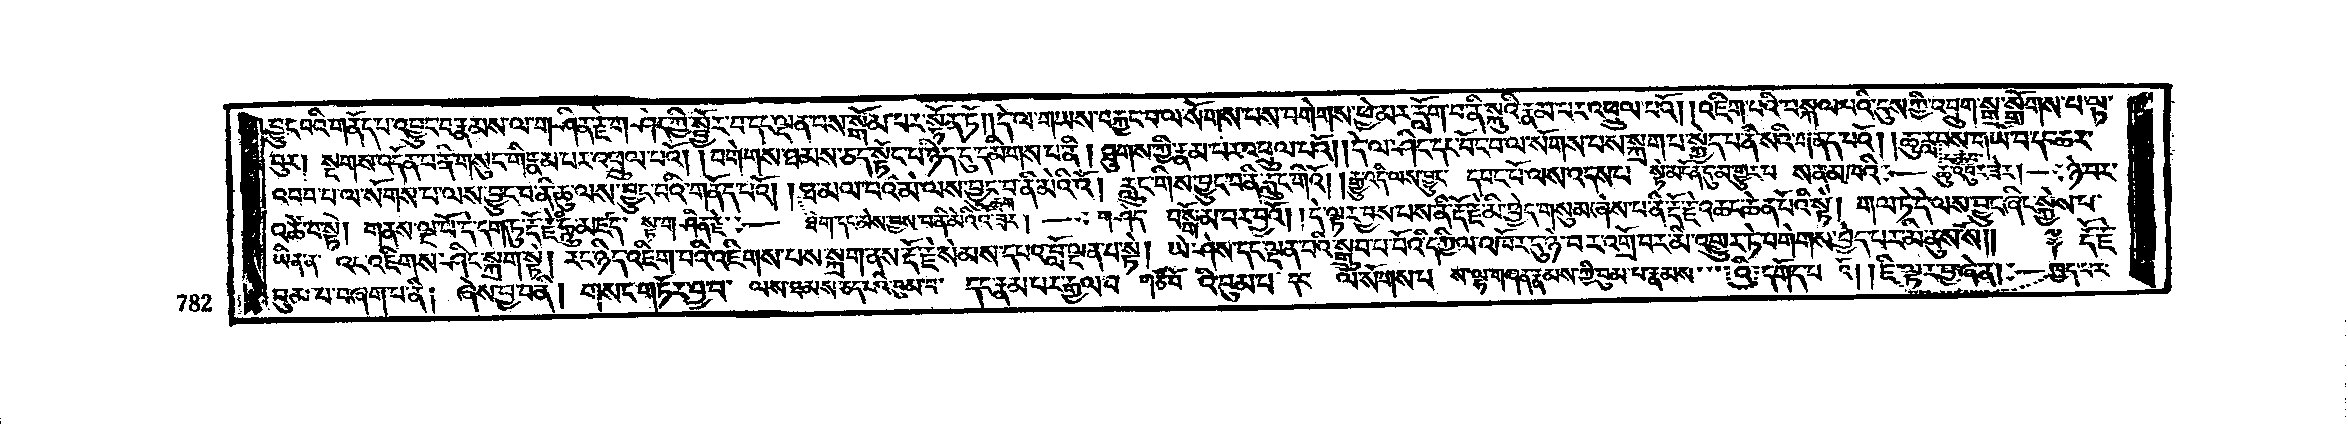བྱུང་བའི་གནོད་པ་འབྱུང་བ་རྣམས་ལ་གཤིན་རྗེ་གཤེད་ཀྱི་སྦྱོར་བ་དང་ལྡན་པས་སྒོམ་པར་སྟོན་ཏོ། །དེ་ལ་གཡས་བརྐྱང་བ་ལ་སོགས་པས་བགེགས་ཕྱི་མར་རློག་པ་ནི་སྐུའི་རྣམ་པར་འཕྲུལ་པའོ། །འཇིག་པའི་བསྐལ་པའི་དུས་ཀྱི་འབྲུག་སྒྲ་སྒྲོགས་པ་ལྟ་
བུར། སྔགས་འདོན་པ་ནི་གསུང་གི་རྣམ་པར་འཕྲུལ་པའོ། །བགེགས་ཐམས་ཅད་སྟོང་པ་ཉིད་དུ་དམིགས་པ་ནི། ཐུགས་ཀྱི་རྣམ་པར་འཕྲུལ་པའོ། །དེ་ལ་ཤིང་དང་བོང་བ་ལ་སོགས་པས་སྐྲག་པ་སྐྱེད་པ་ནི་སའི་གནོད་པའོ། །ཆུ་རླབས་གཡོ་བ་ཆར་
འབབ་པ་ལ་སོགས་པ་ལས་བྱུང་བ་ནི་ཆུ་ལས་བྱུང་བའི་གནོད་པའོ། །ཐ་མལ་པའི་མེ་ལས་བྱུག་བ་ནི་མེའོ་འ། རླུང་གིས་བྱུང་བ་ནི་རླུང་གིའོ། ། རྒྱུད་འདི་ལས་བྱུང་དབང་པོ་ལས་འདས་པ་སྟེ་མངོན་དུ་མ་གྱུར་པ་ས་ནམ་མཁའིཿ་པ་ཚབ་ཆུ་འབུར་ཟེར.H ཉེ་བར་
འཚེ་བ་སྟེ། གནས་ལྔ་པོ་དེ་དག་ཏུ་རྡོ་རྗེ་ཧཱུཾ་མཛད་སྟ་གཤིན་རྗེ་H.་ཐིག་དང་མེས་བྱས་པ་ནི་མིའིའོ་ཆག་ཟེར། .H གཤེས་བསྒོམ་པར་བྱའོ། །དེ་ལྟར་བྱས་པས་ནི་རྡོ་རྗེ་མི་ཕྱད་གསུམ་ཞེས་པ་ནི་རྡོ་རྗེ་འཆང་ཆེན་པོའི་སྟེ། གལ་ཏེ་དེ་ལས་བྱུང་ཞིང་སྐྱེས་པ་
ཡིན་ན་འང་འཇིགས་ཤིང་སྐྲགས། རང་ཉིད་འཇིག་པའི་འཇིགས་པས་སྐྲག་ནས་རྡོ་རྗེ་སེམས་དཔའ་བློ་ལྡན་པ་སྟེ། ཡེ་ཤེས་དང་ལྡན་པའི་སྒྲུབ་པ་པོའི་དཀྱིལ་འཁོར་དུ་ཉེ་བར་འགྲོ་བར་མི་འགྱུར་ཏེ་བགེགས་བྱེད་པར་མི་ནུས་སོ།། ༈ རྡོ་རྗེ་
བུམ་པ་བཞག་པ་ནི། ཞེས་བྱ་བ་ནི། གསང་གཏོར་བྱ་བ་ལས་ཐམས་ཅད་པའི་བུམ་པ་དང་རྣམ་པར་རྒྱལ་བ་གཙོ་བོའི་བུམ་པ་དང་ལ་སོགས་པས་ལྷ་གཞན་རྣམས་ཀྱི་བུམ་པ་རྣམས་འོ་དགོད་པའོ། །ཇི་ལྟར་བྱ་ཞེ་ན།H.་ཁྱད་པར་